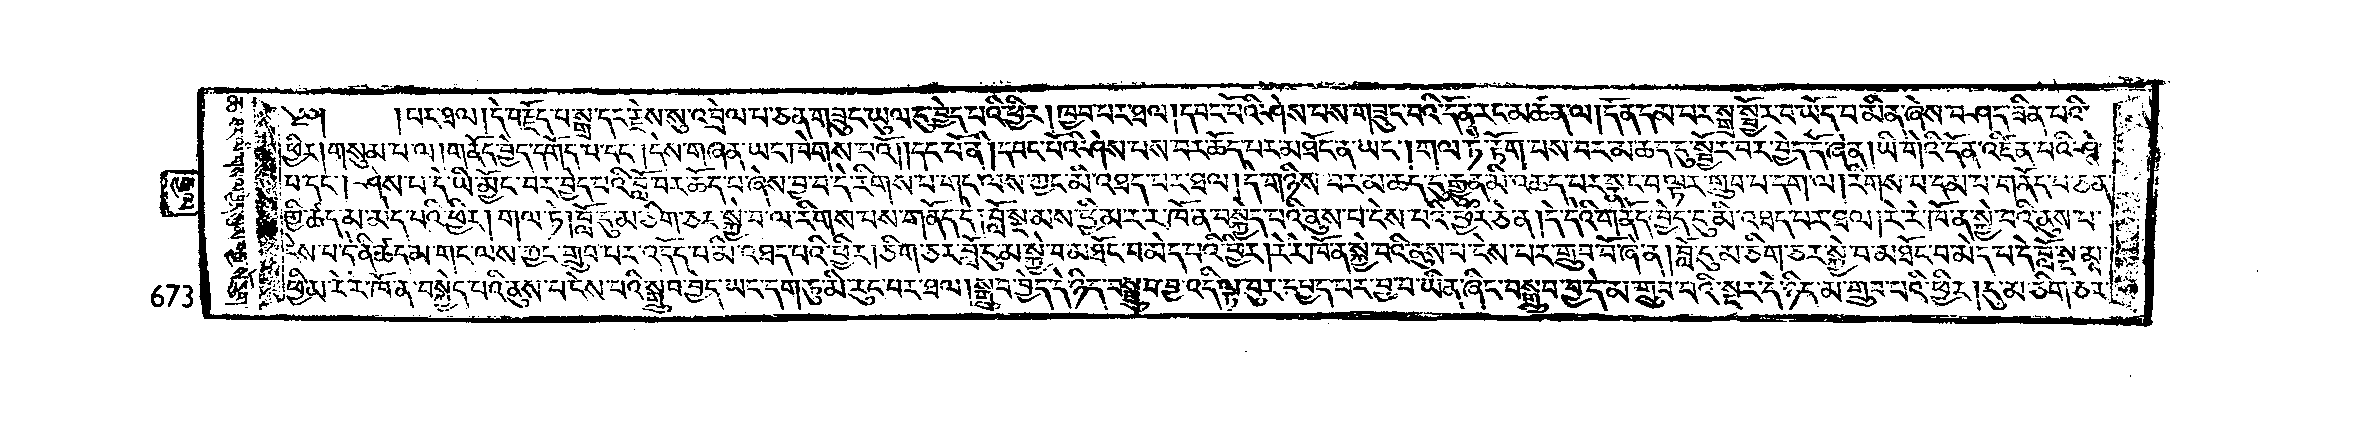༄༅། །པར་ཐལ། དེ་བརྗོད་པ་སྒྲ་དང་རྗེས་སུ་འབྲེལ་པ་ཅན་གཟུང་ཡུལ་དུ་བྱེད་པའི་ཕྱིར། ཁྱབ་པར་ཐལ། དབང་པོའི་ཤེས་པས་གཟུང་བའི་དོན་རང་མཚན་ལ། དོན་དམ་པར་སྒྲ་སྦྱོར་བ་ཡོད་པ་མིན་ཞེས་བཤད་ཟིན་པའི་
ཕྱིར། གསུམ་པ་ལ། གནོད་བྱེད་དགོད་པ་དང་། དེས་གཞན་ཡང་ཁེགས་པའོ། །དང་པོ་ནི། དབང་པོའི་ཤེས་པས་བར་ཆོད་པར་མཐོང་ན་ཡང་། གལ་ཏེ་རྟོག་པས་བར་མ་ཚད་དུ་སྦྱོར་བར་བྱེད་དོ་ཞེ་ན། ཡི་གེའི་དོན་འཛིན་པའི་ཤེས་
པ་དང་། ཤེས་པ་དེ་ཡི་མྱོང་བར་བྱེད་པའི་བློ་བར་ཆོད་པ་ཞེས་བྱ་བ་དེ་རིགས་པ་གང་ལས་ཀྱང་མི་འཐད་པར་ཐལ། དེ་གཉིས་བར་མ་ཆད་དུ་རྒྱུན་མི་འཆད་པར་སྣང་བ་ལྟར་གྲུབ་པ་དག་ལ། རིགས་པ་དམ་པ་གནོད་པ་ཅན་
གྱི་ཚད་མ་མེད་པའི་ཕྱིར། གལ་ཏེ། བློ་དུ་མ་ཅིག་ཅར་སྐྱེ་བ་ལ་རིགས་པས་གནོད་དེ། བློ་སྔ་མས་ཕྱི་མ་རེ་རེ་ཁོ་ན་བསྐྱེད་པའི་ནུས་པ་ངེས་པའི་ཕྱིར་ཅེ་ན། དེ་དེའི་གནོད་བྱེད་དུ་མི་འཐད་པར་ཐལ། རེ་རེ་ཁོ་ན་སྐྱེ་བའི་ནུས་པ་
ངེས་པ་དེ་ནི་ཚད་མ་གང་ལས་ཀྱང་གྲུབ་པར་འདོད་པ་མི་འཐད་པའི་ཕྱིར། ཅིག་ཅར་བློ་དུ་མ་སྐྱེ་བ་མཐོང་བ་མེད་པའི་ཕྱིར། རེ་རེ་ཁོ་ན་སྐྱེ་བའི་ནུས་པ་ངེས་པར་གྲུབ་བོ་ཞེ་ན། བློ་དུ་མ་ཅིག་ཅར་སྐྱེ་བ་མཐོང་བ་མེད་པ་དེ་བློ་སྔ་མས་
ཕྱི་མ་རེ་རེ་ཁོ་ན་བསྐྱེད་པའི་ནུས་པ་ངེས་པའི་སྒྲུབ་བྱེད་ཡང་དག་ཏུ་མི་རུང་པར་ཐལ། སྒྲུབ་བྱེད་དེ་ཉིད་བསྒྲུབ་བྱ་འདི་ལྟ་བུར་དཔྱད་པར་བྱ་བ་ཡིན་ཞིང་བསྒྲུབ་བྱ་དེ་མ་གྲུབ་པའི་སྔར་དེ་ཉིད་མ་གྲུབ་པའི་ཕྱིར། དུ་མ་ཅིག་ཅར་